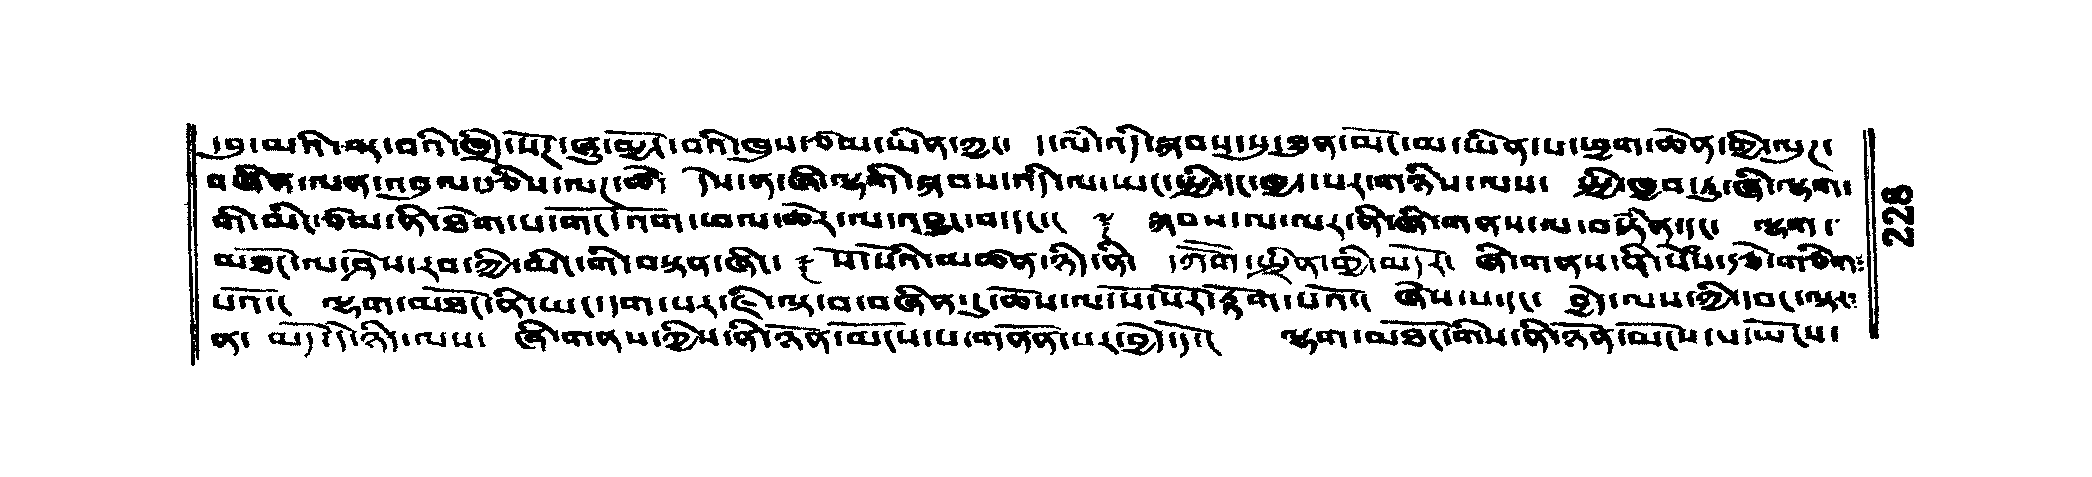དབུ་མའི་ལྟ་བའི་ཁྲིད་སོགས་ཞུ་མྱོང་བའི་ཁུལ་ཙམ་ཡིན་ཀྱང་། ད་ལམ་འདི་སྐབས་སུ་ཐུན་མོང་མ་ཡིན་པ་ཕྱག་ཆེན་གྱི་ལུགས་
བཞིན་ལན་འབུལ་རྩིས་ལགས་ཚེ། དེས་ན་ཞི་ལྷག་གི་སྐབས་འདི་ལ་ཡང་སྤྱི་དང་ཁྱད་པར་གཉིས་ལས། སྤྱི་ཁྱབ་ཏུ་ཞི་ལྷག་
གི་མིང་ཙམ་ནི་ཐེག་པ་གོང་འོག་ཕལ་ཆེར་ལ་འབྱུང་བ་དང་། སྐབས་ལ་ལར་ནི་ཞི་གནས་ལ་བསམ་གཏན་དང་། ལྷག་
མཐོང་ལ་ཤེས་རབ་ཀྱི་མིང་གི་བསྟན་ཞིང་། སོ་སོའི་མཚན་ཉིད་ནི། དཀོན་མཆོག་སྤྲིན་གྱི་མདོར།ཞི་གནས་ནི་སེམས་རྩེ་གཅིག་
པའོ། ལྷག་མཐོང་ནི་ཡང་དག་པར་ཇི་ལྟ་བ་བཞིན་དུ་ཆོས་ལ་སོ་སོར་རྟོག་པའོ། ཞེས་པ་དང་། བྱེད་ལས་ཀྱི་དབང་ལྟར་
ན། མདོ་དེ་ཉིད་ལས། ཞི་གནས་ཀྱི་ནི་ཉོན་མོངས་པ་གནོན་པར་བྱེད་དོ། ལྷག་མཐོང་གིས་ནི་ཉོན་མོངས་པ་ཡོངས་སུ་